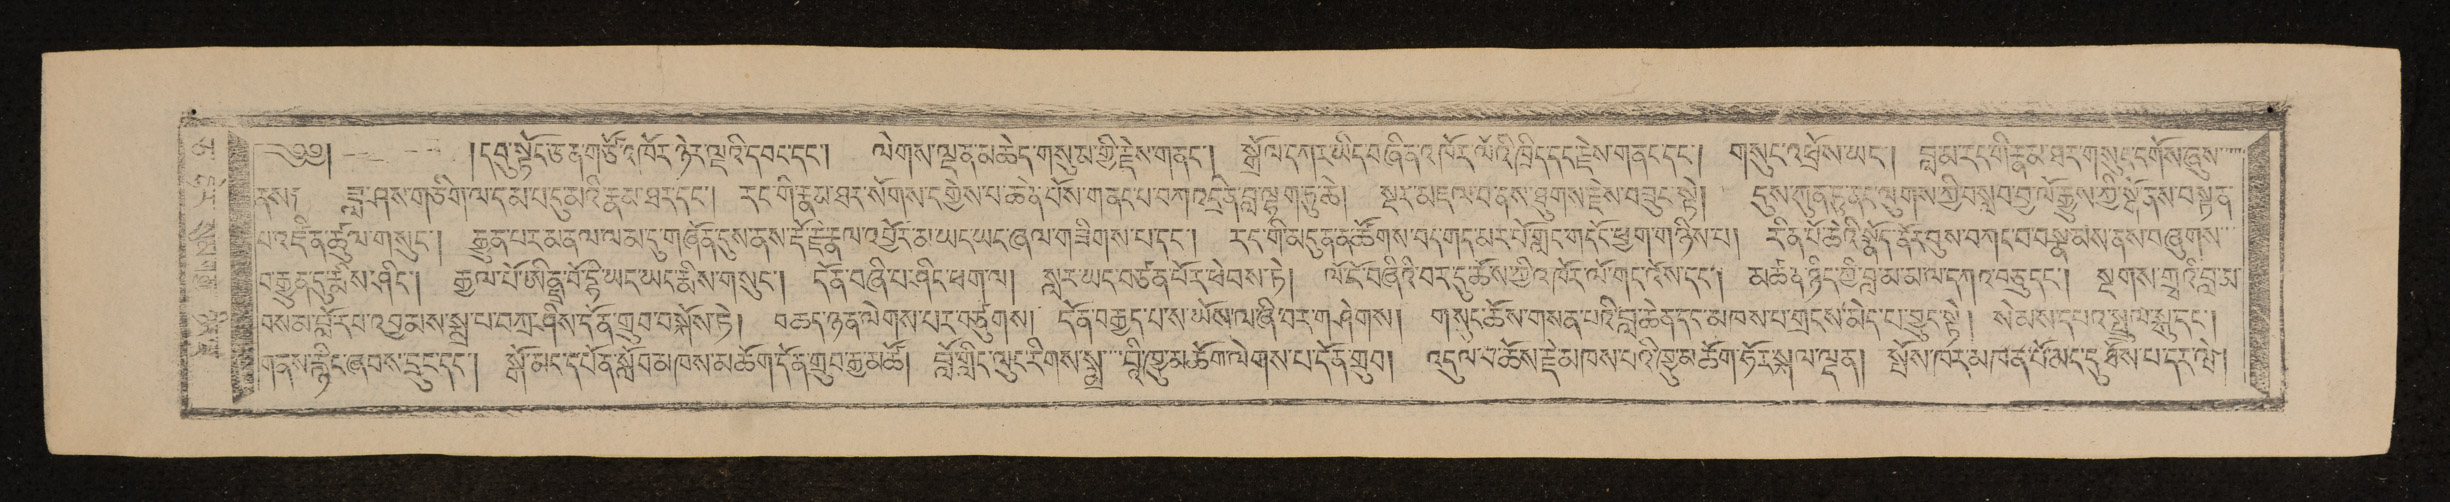༄༅། །དབུ་སྟོང་ཅན་གཙོ་འཁོར་ཉེར་ལྔའི་དབང་དང་། ལེགས་ལྡན་མཆེད་གསུམ་གྱི་རྗེས་གནང་། སྒྲོལ་དཀར་ཡིད་བཞིན་འཁོར་ལོའི་ཁྲིད་དང་རྗེས་གནང་དང་། གསུང་འཕྲོས་ཡང་། བླ་མ་རང་གི་རྣམ་ཐར་གསུང་དགོས་དུས་
ནས༑ ཟླ་ཤས་གཅིག་ལ་དམ་པ་དུ་མའི་རྣམ་ཐར་དང་། རང་གི་རྣམ་ཐར་སོགས་དགྱེས་པ་ཆེན་པོས་གནང་བ་བཀའ་དྲིན་བླ་ལྷག་ཏུ་ཆེ། སྔར་མཇལ་བ་ནས་ཐུགས་རྗེས་བཟུང་སྟེ། དུས་ཀུན་ཏུ་ནང་ལུགས་ཀྱི་བསླབ་བྱ་ལོ་རྒྱུས་ཀྱི་སྒོ་ནས་བསྟན་
པ་འཛིན་ཚུལ་གསུང་། རྒྱུན་པར་མནལ་ལམ་དུ་གཞོན་དུས་ནས་རྡོ་རྗེ་རྣལ་འབྱོར་མ་ཡང་ཡང་ཞལ་གཟིགས་པ་དང་། རང་གི་མདུན་ན་ཚོགས་བདག་དམར་པོ་གླང་གདོད་ཕྱག་གཉིས་པ། རིན་པོ་ཆེའི་སྣོད་ནོར་བུས་བཀང་བ་བསྣམས་ནས་བཞུགས་
པ་རྒྱུན་དུ་རྨིས་ཤིང་། རྒྱལ་པོ་ཨིནྡྲ་བོདྷི་ཡང་ཡང་རྨིས་གསུང་། དོན་བཞི་པ་ཤིང་ཕག་ལ། སླར་ཡང་བཙན་པོར་ཕེབས་ཏེ། ལོ་ངོ་བཞིའི་བར་དུ་ཆོས་ཀྱི་འཁོར་ལོ་གང་འོས་དང་། མཚན་ཉིད་ཀྱི་བླ་མ་མལ་དཀའ་བཅུ་དང་། སྔགས་གྲྭའི་བླ་མ་
བསམ་བློ་རབ་འབྱམས་སྨྲ་པ་བཀྲ་ཤིས་དོན་གྲུབ་བསྐོས་ཏེ། འཆད་ཉན་ལེགས་པར་བཙུགས། དོན་བརྒྱད་པས་ཡོས་ལ་ཞི་བར་གཤེགས། གསུང་ཆོས་གསན་པའི་བླ་ཆེན་དང་མཁས་པ་གྲངས་མེད་པ་བྱུང་སྟེ། སེམས་དཔའ་སྤྲུལ་སྐུ་དང་།
གནས་རྙིང་ཞབས་དྲུང་དང་། སྒོ་མང་དཔོན་སློབ་མཁས་མཆོག་དོན་གྲུབ་རྒྱ་མཚོ། བློ་གླིང་ལུང་རིགས་སྨྲ་བའི་ཁྱུ་མཆོག་ལེགས་པ་དོན་གྲུབ། འདུལ་བ་ཆོས་རྗེ་མཁས་པའི་ཁྱུ་མཆོག་ཧོར་སྐལ་ལྡན། སྤོས་ཁང་མཁན་པོ་མང་དུ་ཐོས་པ་དར་ཝེ།